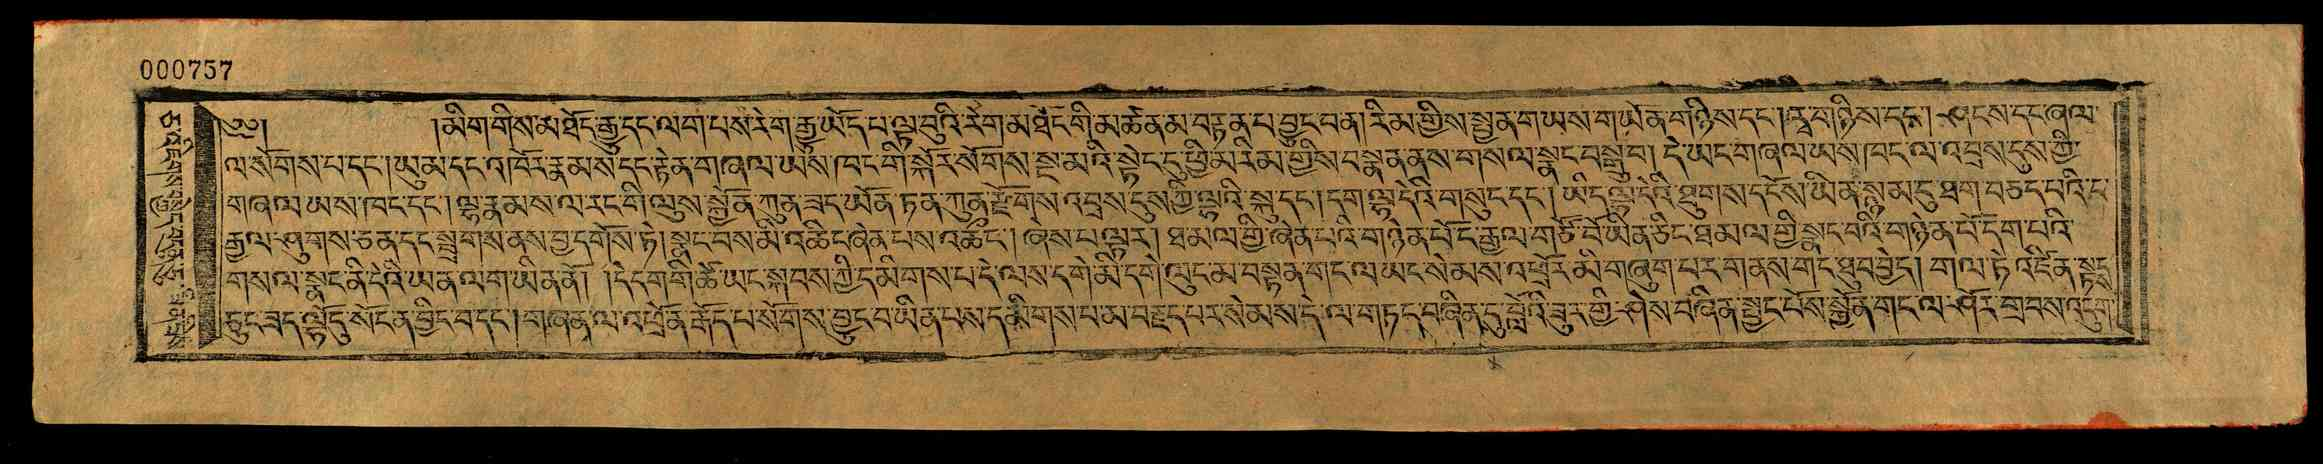༄༅། །མིག་གིས་མཐོང་རྒྱུ་དང་ལག་པས་རེག་རྒྱུ་ཡོད་པ་ལྟ་བུའི་རེག་མཐོང་གི་མཚན་མ་བརྟན་པོ་བྱུང་བ་ན། རིམ་གྱིས་སྤྱན་གཡས་གཡོན་གཉིས་དང་། རྭ་གཉིས་དང་། ཤངས་དང་ཞལ་
ལ་སོགས་པ་དང་། ཡུམ་དང་འཁོར་རྣམས་དང་རྟེན་གཞལ་ཡས་ཁང་གི་སྐོར་སོགས་སྔ་མའི་སྟེང་དུ་ཕྱི་མ་རིམ་གྱིས་བསྣན་ནས་གསལ་སྣང་བསྒྲུབ། དེ་ཡང་གཞལ་ཡས་ཁང་ལ་འབྲས་དུས་ཀྱི་
གཞལ་ཡས་ཁང་དང་། ལྷ་རྣམས་ལ་རང་གི་ལུས་སྐྱོན་ཀུན་ཟད་ཡོན་ཏན་ཀུན་རྫོགས་འབྲས་དུས་ཀྱི་ལྷའི་སྐུ་དང་། ངག་ལྷ་དེའི་གསུང་དང་། ཡིད་ལྷ་དེའི་ཐུགས་དངོས་ཡིན་སྙམ་དུ་ཐག་བཅད་པའི་ང་
རྒྱལ་ཤུགས་ཅན་དང་སྦྲགས་ནས་བྱ་དགོས་ཏེ། སྣང་བས་མི་འཆིང་ཞེན་པས་འཆིང་། ཞེས་པ་ལྟར། ཐ་མལ་གྱི་ཞེན་པའི་གཉེན་པོ་ང་རྒྱལ་གཙོ་བོ་ཡིན་ཅིང་ཐ་མལ་གྱི་སྣང་བའི་གཉེན་པོ་དག་པའི་
གསལ་སྣང་ནི་དེའི་ཡན་ལག་ཡིན་ནོ། །དེ་དག་གི་ཚེ་ཡང་སྐབས་ཀྱི་དམིགས་པ་དེ་ལས་དགེ་མི་དགེ་ལུང་མ་བསྟན་གང་ལ་ཡང་སེམས་འཕྲོར་མི་གཞུག་པར་གནས་གང་ཐུབ་བྱེད། གལ་ཏེ་འཛིན་སྟངས་
ཅུང་ཟད་ལྷོད་དུ་སོང་ན་བྱིང་བ་དང་། གཞན་ལ་འཕྲོ་ན་རྒོད་པ་སོགས་བྱུང་བ་ཡིན་པས་དམིགས་པ་མ་བརྗེད་པར་སེམས་དེ་ལ་གཏད་བཞིན་དུ་བློའི་ཟུར་གྱི་ཤེས་བཞིན་སྤྱང་པོས་སྐྱོན་གང་ལ་ཤོར་གྲབས་འདུག་